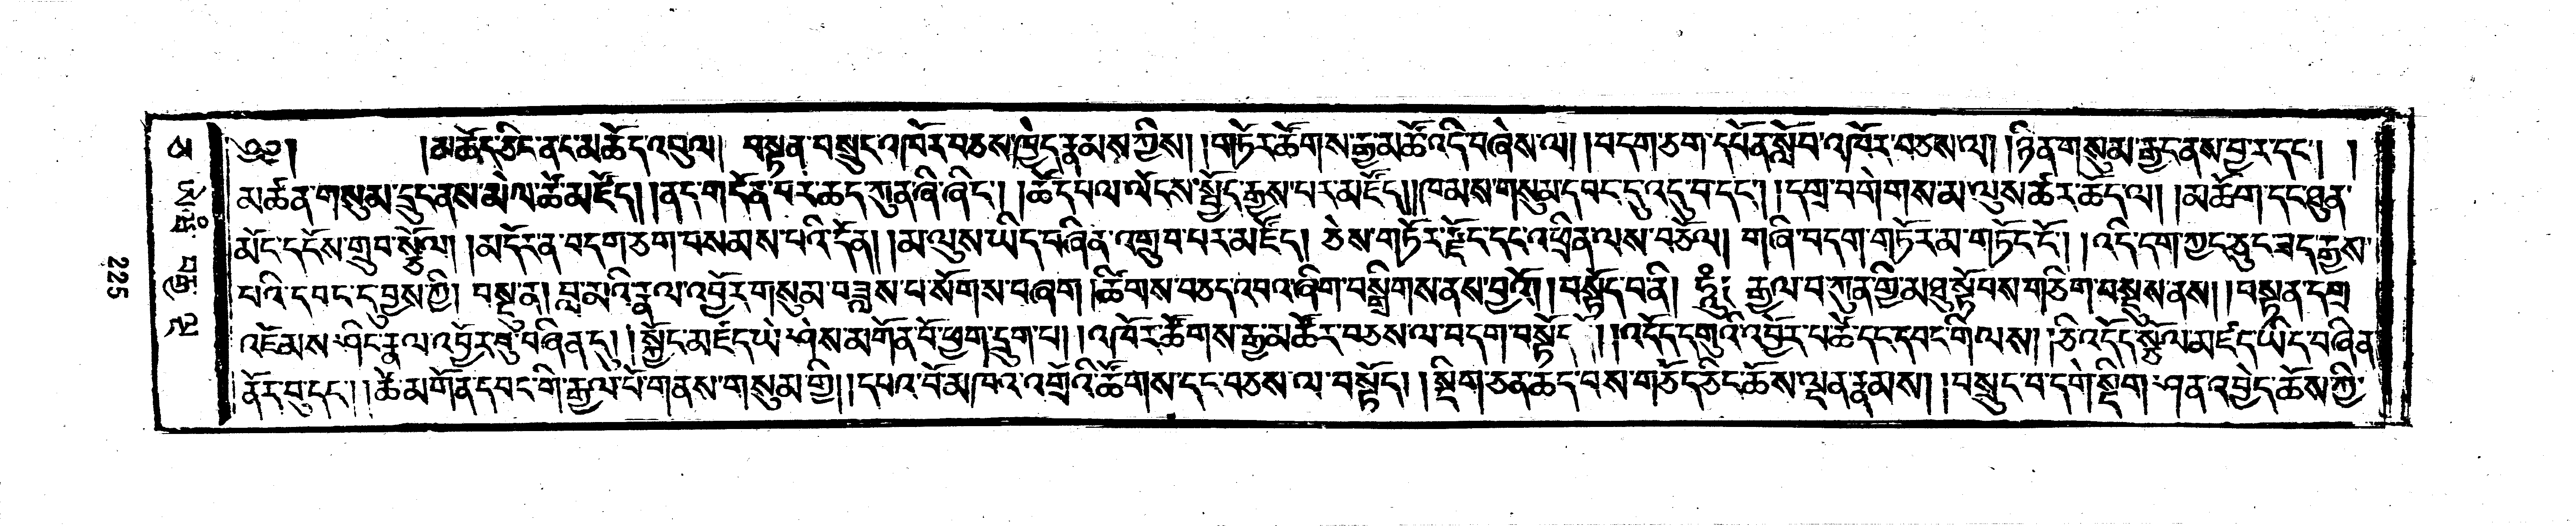༄༅། །མཆོད་ཅིང་ནང་མཆོད་འབུལ། བསྟན་བསྲུང་འཁོར་བཅས་ཁྱེད་རྣམས་ཀྱིས། །གཏོར་ཚོགས་རྒྱ་མཚོ་འདི་བཞེས་ལ། །བདག་ཅག་དཔོན་སློབ་འཁོར་བཅས་ལ། །ཉིན་གསུམ་རྒྱང་ནས་བྱ་ར་དང།།
མཚན་གསུམ་དྲུང་ནས་མལ་ཚེ་མཛོད། །ནད་གདོན་བར་ཆད་ཀུན་ཞི་ཞིང་། །ཚེ་དཔལ་ལོངས་སྤྱོད་རྒྱས་པར་མཛོད། །ཁམས་གསུམ་དབང་དུ་འདུ་བ་དང་། །དགྲ་བགེགས་མ་ལུས་ཚར་ཆོད་ལ། །མཆོག་དང་ཐུན་
མོང་དངོས་གྲུབ་སྩོལ། །མདོར་ན་བདག་ཅག་བསམས་པའི་དོན། །མ་ལུས་ཡིད་བཞིན་འགྲུབ་པར་མཛོད། ཅེས་གཏོར་རྫོང་དང་འཕྲིན་ལས་བཅོལ། གཞི་བདག་གཏོར་མ་གཏོང་ངོ། །འདི་དག་ཀྱང་ཅུང་ཟད་རྒྱས་
པའི་དབང་དུ་བྱས་ཀྱི། བསྡུ་ན། བླ་མའི་རྣལ་འབྱོར་གསུམ་བཟླས་པ་སོགས་བཞག །ཚིགས་བཅད་འབའ་ཞིག་བསྒྲིགས་ནས་བྱའོ། །བསྟོད་པ་ནི། ཧཱུཾ། རྒྱལ་བ་ཀུན་གྱི་མཐུ་སྟོབས་གཅིག་བསྡུས་ནས། །བསྟན་དགྲ་
འཇོམས་ཤིང་རྣལ་འབྱོར་བུ་བཞིན་དུ། །སྐྱོང་མཛད་ཡེ་ཤེས་མགོན་པོ་ཕྱག་དྲུག་པ། །འཁོར་ཚོགས་རྒྱ་མཚོར་བཅས་ལ་བདག་བསྟོད་དོ། །འདོད་དགུའི་འབྱོར་པ་?་ཚེ་དང་དབང་གི་ལས། །ཅི་འདོད་སྩོལ་མཛད་ཡིད་བཞིན་
ནོར་བུ་དང་། །ཚེ་མགོན་དབང་གི་རྒྱལ་པོ་གནས་གསུམ་གྱི། །དཔའ་བོ་མཁའ་འགྲོའི་ཚོགས་དང་བཅས་ལ་བསྟོད། །སྡིག་ཅན་ཆད་པས་གཅོད་ཅིང་ཆོས་ལྡན་རྣམས། །བསྲུང་བ་དགེ་སྡིག་ཤན་འབྱེད་ཆོས་ཀྱི་